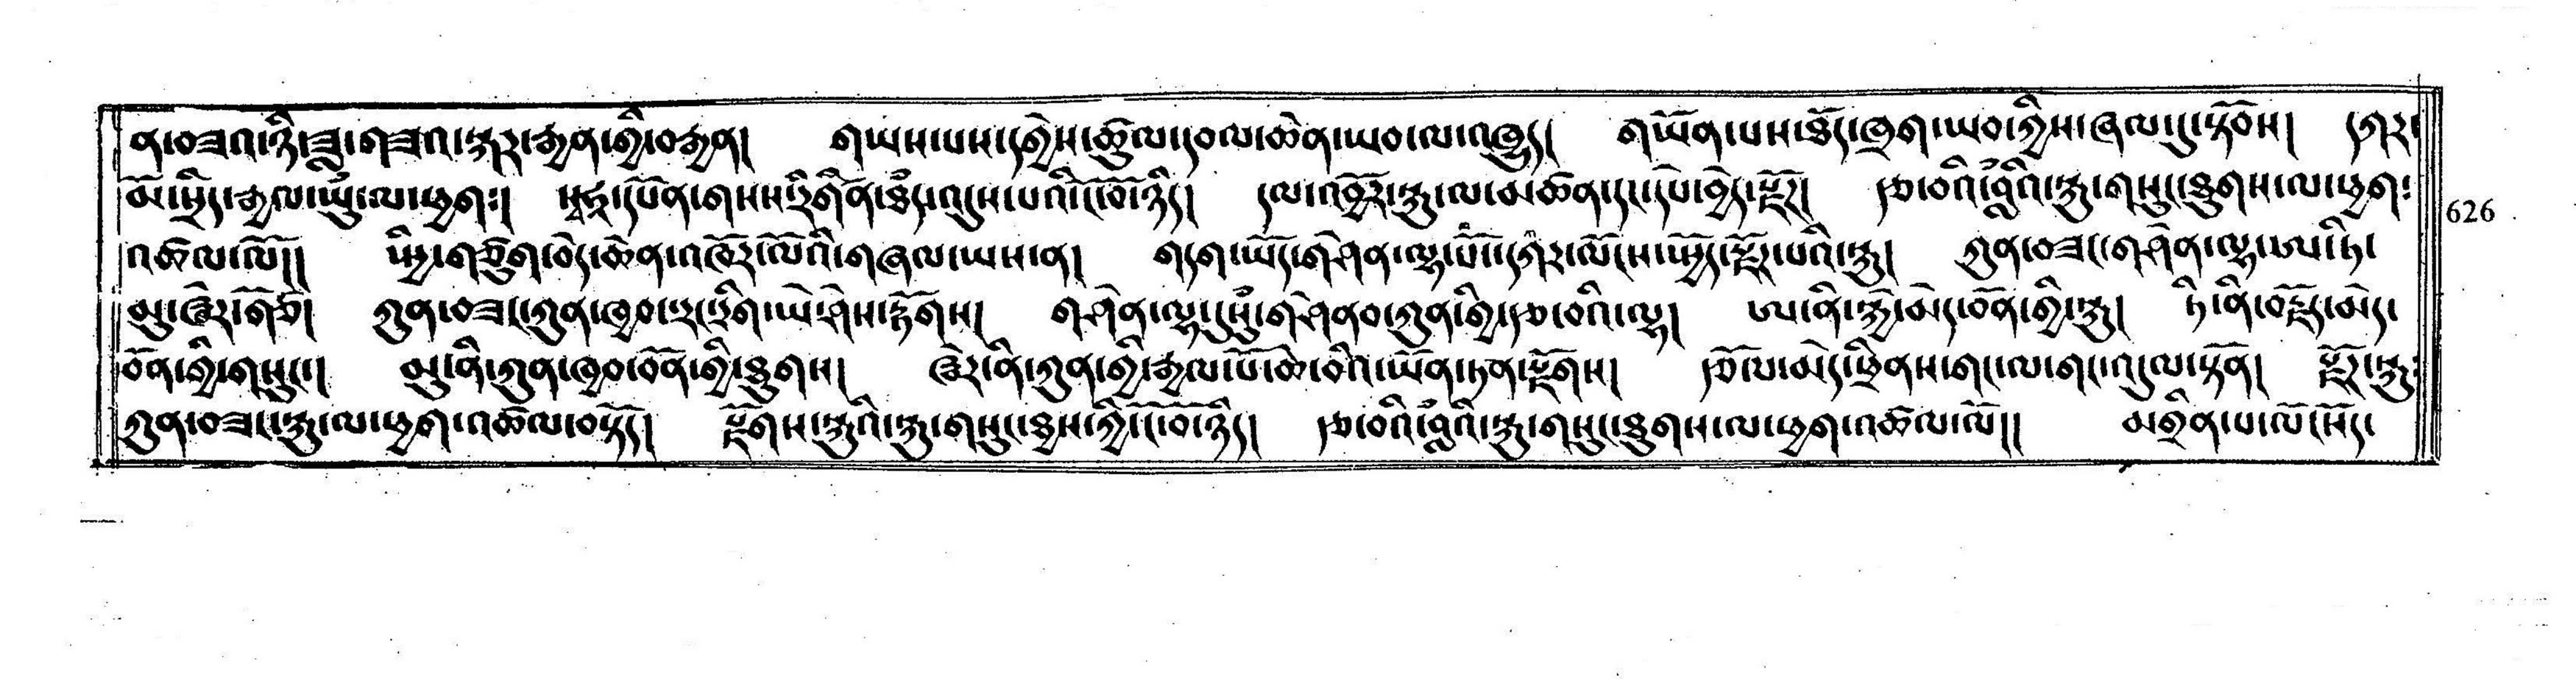ན་བཟའ་ཉི་ཟླ་གཟའ་སྐར་རྒྱན་གྱིས་བརྒྱན། གཡས་པས་དགྱེས་ཚུལ་དབལ་ཆེན་ཡབ་ལ་འཁྱུད། གཡོན་པས་ཐོད་ཁྲག་ཡབ་ཀྱི་ཞལ་དུ་སྟོབས། དཀར་
མོ་སྲིད་རྒྱལ་ཡུམ་ལ་ཕྱག༴། སྭཧཱ་དཔོན་གསས་རིག་འཛིན་ཐམས་ཅད་འདུས་པའི་ངོ་བོ་ཉིད། དལ་འབྱོར་སྐུ་ལ་མཚན་དང་དཔེ་བྱད་རྫོགས། རྩ་བའི་བླ་མའི་སྐུ་གསུང་ཐུགས་ལ་ཕྱག་
འཚལ་ལོ།། སྤྱི་གཙུག་བདེ་ཆེན་འཁོར་ལོའི་གཞལ་ཡས་ན། གདག་ཡོད་གཤེན་ལྷ་དཀར་པོ་ལོངས་སྤྱོད་རྫོགས་པའི་སྐུ། ཀུན་བཟང་གཤེན་ལྷ་ཨ་ཏི་
མུ་ཝེར་གཙོ། ཀུན་བཟང་ཀུན་ཁྱབ་རང་རིག་ཡེ་ཤེས་རྟོགས། གཤེན་ལྷ་དུས་གསུམ་གཤེན་རབ་ཀུན་གྱི་རྩ་བའི་ལྷ། ཨ་ནི་སྐྱེ་མེད་བོན་གྱི་སྐུ། ཏི་ནི་བརྗོད་མེད་
བོན་གྱི་གསུང་། མུ་ནི་ཀུན་ཁྱབ་བོན་གྱི་ཐུགས། ཝེར་ནི་ཀུན་གྱི་རྒྱལ་པོ་ཆེ་བའི་ཡོན་ཏན་རྫོགས། རྩོལ་མེད་ཕྲིན་ལས་གང་ལ་གང་འདུལ་སྟོན། རྫོགས་སྐུ་
ཀུན་བཟང་སྐུ་ལ་ཕྱག་འཚལ་བསྟོད། རྫོགས་སྐུའི་སྐུ་གསུང་ཐུགས་ཀྱི་ངོ་བོ་ཉིད། རྩ་བའི་བླ་མའི་སྐུ་གསུང་ཐུགས་ལ་ཕྱག་འཚལ་ལོ།། མགྲིན་པ་ལོངས་སྤྱོད་